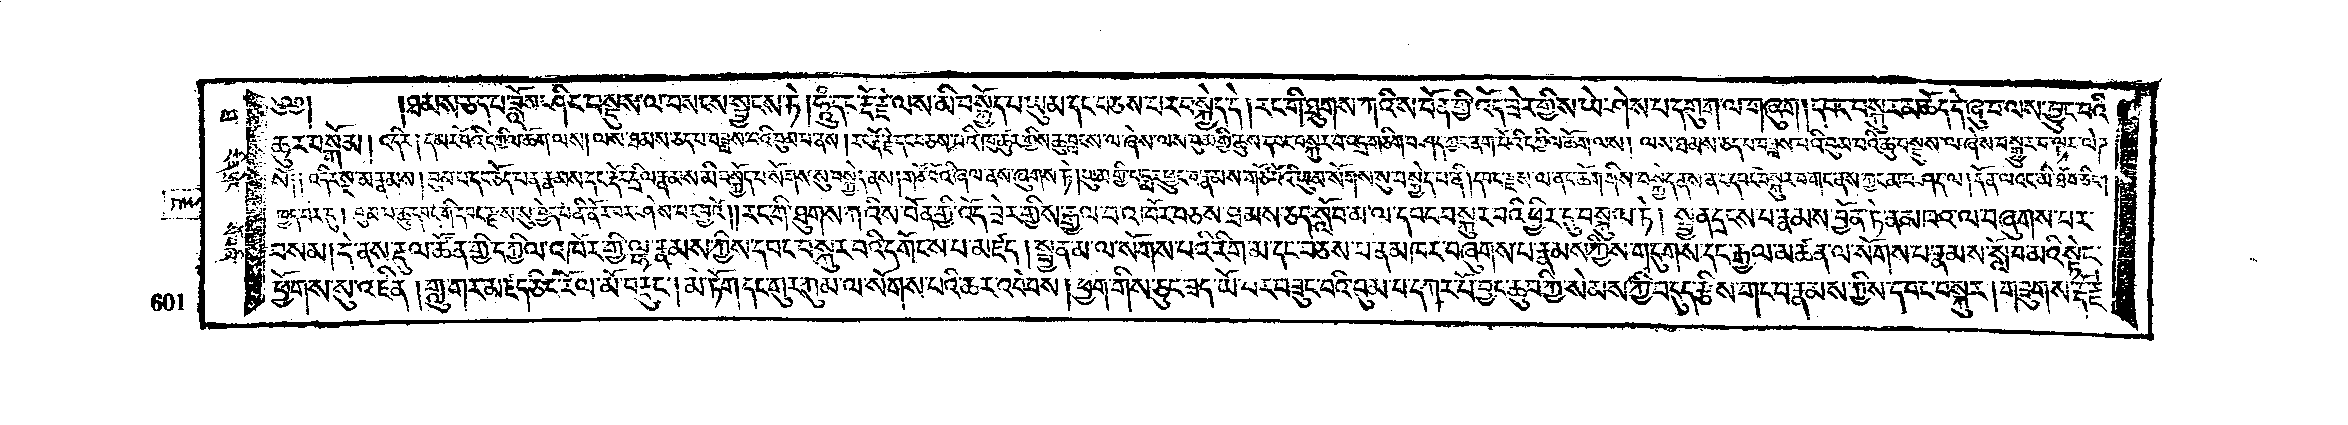༄༅། །ཐམས་ཅད་པ་ཟློས་ཤིང་བསྡུས་ལ་བསངས་སྦྱངས་ཏེ། ཧཱུཾ་དང་རྡོ་རྗེ་ལས་མི་བསྐྱོད་པ་ཡུམ་དང་བཅས་པར་བསྐྱེད་དེ། རང་གི་ཐུགས་ཀའི་ས་བོན་གྱི་འོད་ཟེར་གྱིས་ཡེ་ཤེས་པ་དགུག་ལ་གཞུག །དབང་བསྐུར་མཆོད་དེ་ཞུ་བ་ལས་བྱུང་བའི་
ཆུར་བསྒོམ། འདིར། དམར་པོའི་དཀྱིལ་ཆོག་ལས། ལས་ཐམས་ཅད་ལ་བཟླས་པའི་བུམ་པ་ནས། རང་རྡོ་རྗེ་དང་བཅས་པའི་ཁུ་ཚུར་གྱིས་ཆུ་བླངས་ལ་ཞེས་ལས་བུམ་གྱི་ཆུས་དབང་བསྐུར་བ་འདྲ་གཅིག་བཤད་ཀྱང་ནག་པོའི་དཀྱིལ་ཆོག་ལས། ལས་ཐམས་ཅད་པ་བཟླས་པའི་བུམ་པའི་ཆུ་བསྡུས་ལ་ཞེས་བསྒྱུར་བ་ལྟར་ལེགས་
སོ། །འདིར་སྔ་མ་རྣམས། བུམ་པ་དང་ཅོད་པན་རྣམས་དང་རྡོར་དྲིལ་རྣམས་མི་བསྐྱོད་པ་སོགས་སུ་བསྐྱེད་ནས། གཙོ་བོའི་ཞལ་ནས་ཞུགས་ཏེ། ཡུམ་གྱི་པདམར་ཕྱུང་བ་རྣམས་གཙོ་བོའི་ཡུམ་སོགས་སུ་བསྐྱེད་པ་ནི། དབང་རྫས་ལ་ནང་ཆོག་གིས་བསྐྱེད་ནས་ནང་དབང་བསྐུར་བ་གང་ནས་ཀྱང་མ་བཤད་ལ། དོན་ལའང་མི་ཐོབ་ཅིང་།
ཁྱད་པར་དུ། བུམ་པ་ཆུ་དབང་གི་དབང་རྫས་སུ་བྱེད་པ་ནི་ནོར་བར་ཤེས་པར་བྱའོ། །རང་གི་ཐུགས་ཀའི་ས་བོན་གྱི་འོད་ཟེར་གྱིས་རྒྱལ་བ་འཁོར་བཅས་ཐམས་ཅད་སློབ་མ་ལ་དབང་བསྐུར་བའི་ཕྱིར་དུ་བསྐུལ་ཏེ། སྤྱན་དྲངས་པ་རྣམས་བྱོན་ཏེ་ནམ་མཁའ་ལ་བཞུགས་པར་
བསམ། དེ་ནས་རྡུལ་ཚོན་གྱི་དཀྱིལ་འཁོར་གྱི་ལྷ་རྣམས་ཀྱིས་དབང་བསྐུར་བའི་དགོངས་པ་མཛད། སྤྱན་མ་ལ་སོགས་པའི་རིག་མ་དང་བཅས་པ་ནམ་མཁར་བཞུགས་པ་རྣམས་ཀྱིས་གདུགས་དང་རྒྱལ་མཚན་ལ་སོགས་པ་རྣམས་སློབ་མའི་སྟེང་
ཕྱོགས་སུ་འཛིན། གླུ་གར་མཛད་ཅིང་རོལ་མོ་བརྡུང་། མེ་ཏོག་དང་གུར་ཀུམ་ལ་སོགས་པའི་ཆར་འབེབས། ཕྱག་གིས་ཅུང་ཟད་ཡོ་བར་བཟུང་བའི་བུམ་པ་དཀར་པོ་བྱང་ཆུབ་ཀྱི་སེམས་ཀྱི་བདུད་རྩིས་གང་བ་རྣམས་ཀྱིས་དབང་བསྐུར། གཟུགས་རྡོ་རྗེ་